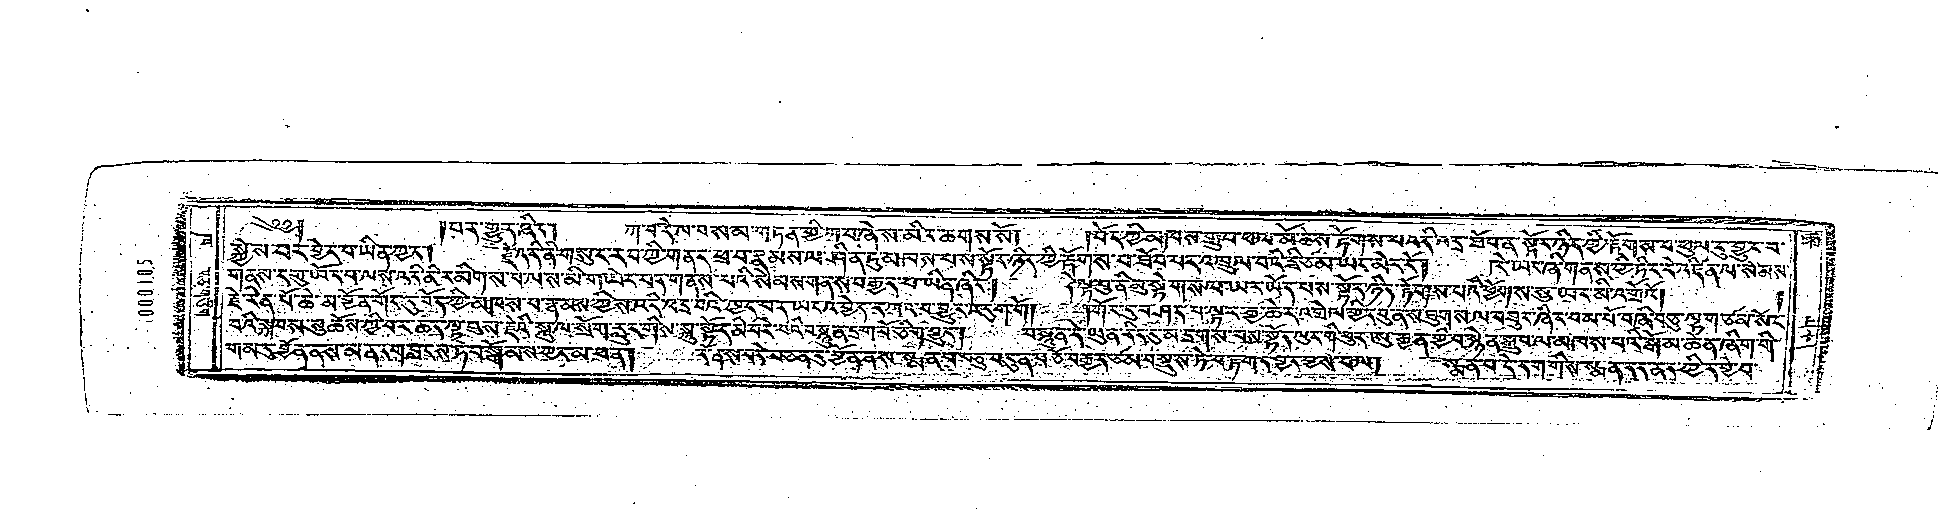༄༅། །པར་གྱུར་ཞིང་། ཀ་བ་དེ་ལ་བསམ་གཏན་གྱི་ཀ་བ་ཞེས་མིང་ཆགས་སོ། །བོད་ཀྱི་མཁས་གྲུབ་ཕལ་མོ་ཆེས་རྟོགས་པ་འདི་འདྲ་ཐོབ་ན་སྟོང་ཉིད་ཀྱི་རྟོགས་པ་ཕུལ་དུ་བྱུང་བ་
སྐྱེས་པར་བྱེད་པ་ཡིན་ཀྱང་། རྗེ་འདི་ནི་གསུང་རབ་ཀྱི་གནད་ཕྲ་བ་རྣམས་ལ་ཤིན་ཏུ་མཁས་པས་སྟོང་ཉིད་ཀྱི་རྟོགས་པ་ཐོབ་པར་འཁྲུལ་བའི་དྲི་ཙམ་ཡང་མེད་དོ། །དེ་ཡང་ཞི་གནས་ཀྱི་ཏིང་ངེ་འཛིན་ལ་སེམས་
གནས་དགུ་ཡོད་པ་ལས་འདི་ནི་དམིགས་པ་ལས་མི་གཡེང་བར་གནས་པའི་སེམས་གནས་བརྒྱད་པ་ཡིན་ཞིང་། དེ་ལྟ་བུ་ནི་མུ་སྟེགས་ལ་ཡང་ཡོད་པས་སྟོང་ཉིད་རྟོགས་པའི་ཕྱོགས་སུ་ཡང་མི་འགྲོའོ། །
རྗེ་རིན་པོ་ཆེ་མ་བྱོན་གོང་དུ་བོད་ཀྱི་མཁས་པ་རྣམས་ཀྱིས་འདི་འདྲ་བའི་ཁྱད་པར་ཡང་འབྱེད་དཀའ་བ་བྱུང་འདུག་གོ། །གོང་དུ་བཤད་པ་ལྟར་རྒྱ་ཆེར་འགྲེལ་གྱི་དབུ་ནས་ཐུགས་ལ་བཟུང་ཞིང་བམ་པོ་བཞི་བཅུ་ལྷག་ཙམ་སོང་
བའི་སྐབས་སུ་ཆོས་ཀྱི་བར་ཆད་ལྟ་བུས་རྗེའི་སྐུ་ལ་སྲོག་རླུང་གིས་སྐུ་སྟོར་མི་བདེ་བའི་བསྙུན་དྲག་པོ་ཅིག་བྱུང་། བསྙུན་དེ་ཡུན་རིང་དུ་མ་དྲགས་པས་སྟོད་ལུང་གི་ཕུར་ཨུ་རྒྱན་གྱི་བསྙེན་སྒྲུབ་ལ་མཁས་པའི་སྒོམ་ཆེན་ཞིག་གི་
གམ་དུ་བྱོན་ནས་མན་ངག་བླངས་ཏེ་བསྒོམས་ཀྱང་མ་ཕན། དེ་ནས་བདེ་བ་ཅན་དུ་བྱོན་ནས་སྨན་པ་བཅུ་བདུན་བཅོ་བརྒྱད་ཙམ་བསྡུས་ཏེ་བརྟག་དབྱད་བྱས་བལ། སྨན་པ་དེ་དག་གིས་སྨན་དང་ནད་ཀྱི་དབྱེ་བ་